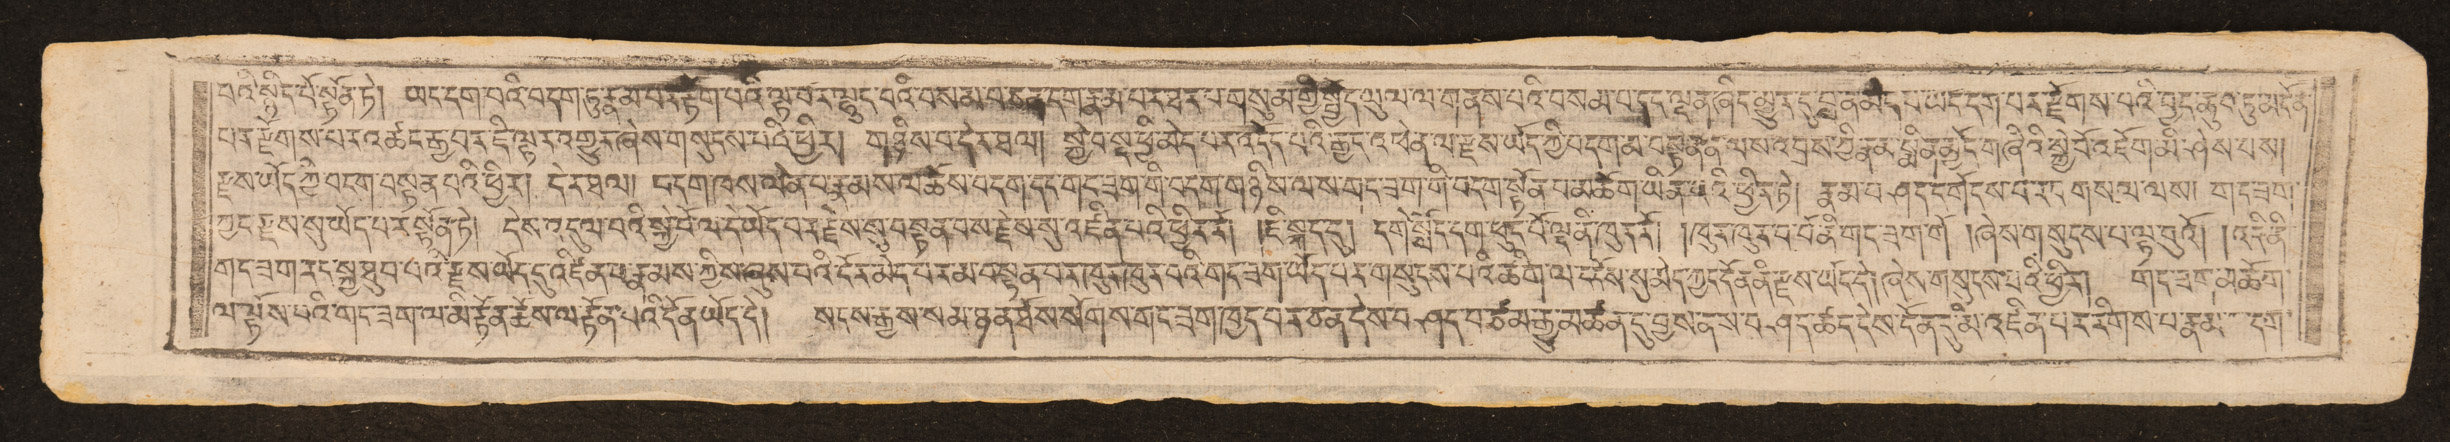པའི་སྙིང་པོ་སྟོན་ཏེ། ཡང་དག་པའི་བདག་ཏུ་རྣམ་པར་རྟོག་པའི་ལྟ་བར་ལྟུང་བའི་བསམ་པ་ཅན་དག་རྣམ་པར་ཐར་བ་གསུམ་གྱི་སྤྱོད་ཡུལ་ལ་གནས་པའི་བསམ་པ་དང་ལྡན་ཞིང་མྱུར་དུ་བླ་ན་མེད་པ་ཡང་དག་པར་རྫོགས་པའི་བྱང་ཆུབ་ཏུ་མངོན་
པར་རྫོགས་པར་འཚང་རྒྱ་བར་ཇི་ལྟར་འགྱུར་ཞེས་གསུངས་པའི་ཕྱིར། གཉིས་པ་དེར་ཐལ། སྐྱེ་བ་སྔ་ཕྱི་མེད་པར་འདོད་པའི་རྒྱང་འཕེན་ལ་རྫས་ཡིད་ཀྱི་བདག་མ་བསྟན་ན་ལས་འབྲས་ཀྱི་རྣམ་སྨིན་མྱོང་གཞིའི་སྐྱེ་བོ་འཇོག་མི་ཤེས་པས།
རྫས་ཡོད་ཀྱི་བདག་བསྟན་པའི་ཕྱིར། དེར་ཐལ། བདག་ཁས་ལེན་པ་རྣམས་ལ་ཆོས་བདག་དང་གང་ཟག་གི་བདག་གཉིས་ལས་གང་ཟག་གི་བདག་སྟོན་པ་མཆོག་ཡིན་པའི་ཕྱིར་ཏེ། རྣམ་བཤད་དགོངས་པ་རབ་གསལ་ལས་གང་ཟག་
ཀྱང་རྫས་སུ་ཡོད་པར་སྟོན་ཏེ། དེས་འདུལ་པའི་སྐྱེ་བོ་ལ་དེ་ཡོད་པར་རྗེས་སུ་བསྟན་པས་རྗེས་སུ་འཛིན་པའི་ཕྱིར་རོ། །ཇི་སྐད་དུ། དགེ་སློང་དག་ཕུང་པོ་ལྔ་ནི་ཁུར་རོ། །ཁུར་ཁུར་བ་བོ་ནི་གང་ཟག་གོ །ཞེས་གསུངས་པ་ལྟ་བུའོ། །འདི་ནི་
གང་ཟག་རང་སྐྱ་ཐུབ་པའི་རྫས་ཡོད་དུ་འཛིན་པ་རྣམས་ཀྱིས་ཞུས་པའི་ངོར་མེད་པར་མ་བསྟན་པར་ཁུར་ཁུར་བའི་གང་ཟག་ཡོད་པར་གསུངས་པའི་ཚིག་ལ་དངོས་སུ་མེད་ཀྱང་དོན་ནི་རྫས་ཡོད་དེ། ཞེས་གསུངས་པའི་ཕྱིར། གང་ཟག་མཆོག་
ལ་ལྟོས་པའི་གང་ཟག་ལ་མི་རྟོན་ཆོས་ལ་རྟོན་པའི་དོན་ཡོད་དེ། སངས་རྒྱས་སམ་ཉན་ཐོས་སོགས་གང་ཟག་ཁྱད་པར་ཅན་དེས་བཤད་པ་ཙམ་རྒྱུ་མཚན་དུ་བྱས་ནས་བཤད་ཚད་དེས་དོན་དུ་མེ་འཛིན་པར་རིགས་པ་རྣམ་དག་